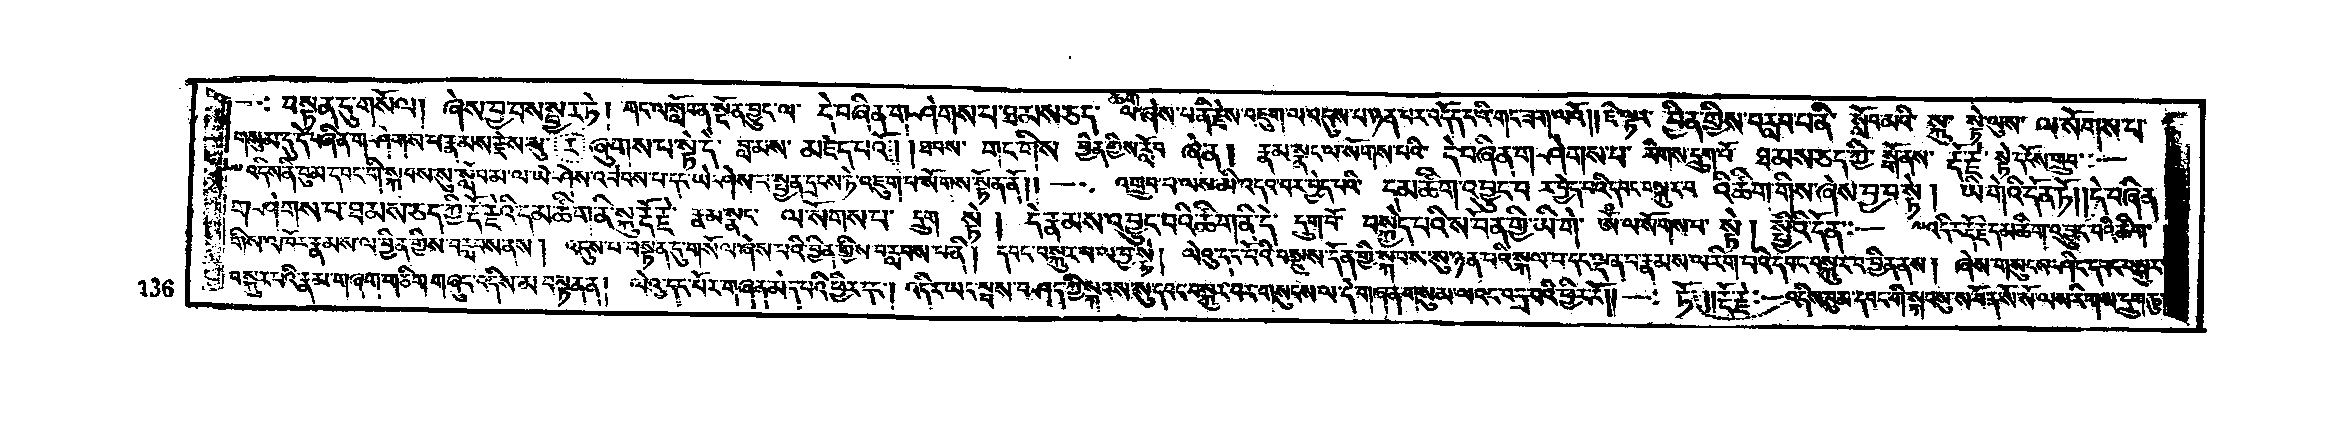བསྟན་དུ་གསོལ། ཞེས་བྱ་བས་སྦྱར་ཏེ། གང་ལ་སློབ་ན་སྔོན་བྱུང་ལ་དེ་བཞིན་གཤེགས་པ་ཐམས་ཅད་ཆག་ལ་ཞེས་པ་ནི་རྗེས་འཇུག་ལ་འདུས་པ་ཉན་པར་འདོད་པའི་གང་ཟག་ལའོ། །ཇི་ལྟར་བྱིན་གྱིས་བརླབ་པ་ནི་སློབ་མའི་སྐུ་སྟེ་ལུས་ལ་སོགས་པ་
གསུམ་དུ་དེ་བཞིན་གཤེགས་པ་རྣམས་རྗེས་སུ་ར་ཞུགས་པ་སྟེ་དེ་བླ་མས་མཛད་པའོ། ། ཐབས་གང་གིས་བྱིན་གྱིས་རློབ་ཞེ་ན། རྣམ་སྣང་ལ་སོགས་པའི་དེ་བཞིན་གཤེགས་པ་རིགས་དྲུག་པོ་ཐམས་ཅད་ཀྱི་སྒོ་ནས་རྡོ་རྗེ་སྟེ་དངོས་གྲུབ་
༧་འདིས་ནི་བུམ་དབང་གི་སྐབས་སུ་སློབ་མ་ལ་ཡེ་ཤེས་འབེབས་པ་དང་ཡེ་ཤེས་པ་སྤྱན་དྲངས་ཏེ་འཇུག་པ་སོགས་སྟོན་ནོ།། འགྲུབ་པ་ལས་མི་འདའ་བར་བྱེད་པའི་དམ་ཚིག་འབྱུང་བར་བྱེད་པའི་དབང་བསྐུར་པའི་ཚིག་གིས་ཞེས་བྱ་བ་སྟེ། ཡི་གེའི་དོན་ཏོ། །དེ་བཞིན་
གཤེགས་པ་ཐམས་ཅད་ཀྱི་རྡོ་རྗེའི་དམ་ཚིག་ནི་སྐུ་རྡོ་རྗེ་རྣམ་སྣང་ལ་སོགས་པ་དྲུག་སྟེ། དེ་རྣམས་འབྱུང་བའི་ཚིག་ནི་དེ་དྲུག་པོ་བསྐྱེད་པའི་ས་བོན་གྱི་ཡི་གེ་ཨོཾ་ལ་སོགས་པ་སྟེ། སྤྱིའི་དོན་༧་འདིར་རྡོ་རྗེ་དམ་ཚིག་འབྱུང་བའི་ཚིག་
གིས་འཁོར་རྣམས་ལ་བྱིན་གྱིས་བརླབས་ནས། འདུས་པ་བསྟན་དུ་གསོལ་ཞེས་པའི་བྱིན་གྱིས་བརླབས་པ་ནི། དབང་བསྐུར་བ་ལ་བྱ་སྟེ། ལེའུ་དང་པོའི་བསྡུས་དོན་གྱི་སྐབས་སུ་ཉན་པའི་སྐལ་པ་དང་ལྡན་པ་རྣམས་ལ་རིག་པའི་དབང་བསྐུར་བ་བྱིན་ནས། ཞེས་གསུངས་ཤིང་དབང་བསྐུར་
བསྐུར་པའི་རྣམ་གཞག་གཅིག་གཞུང་འདིས་མ་བསྟན་ན། ལེའུ་དང་པོར་གཞན་མེད་པའི་ཕྱིར་དང་། འདིར་ཡང་སྦས་བཤད་ཀྱི་སྐབས་སུ་དབང་བསྐུར་བར་གསུངས་ལ་དེ་གཞན་གསུམ་ལའང་འདྲ་བའི་ཕྱིར་རོ།། ཏོ། །རྡོ་རྗེ་འདིས་བུམ་དབང་གི་སྐབས་སུ་ས་བོན་སོ་སོ་ལས་རིགས་དྲུག་ཏུ་